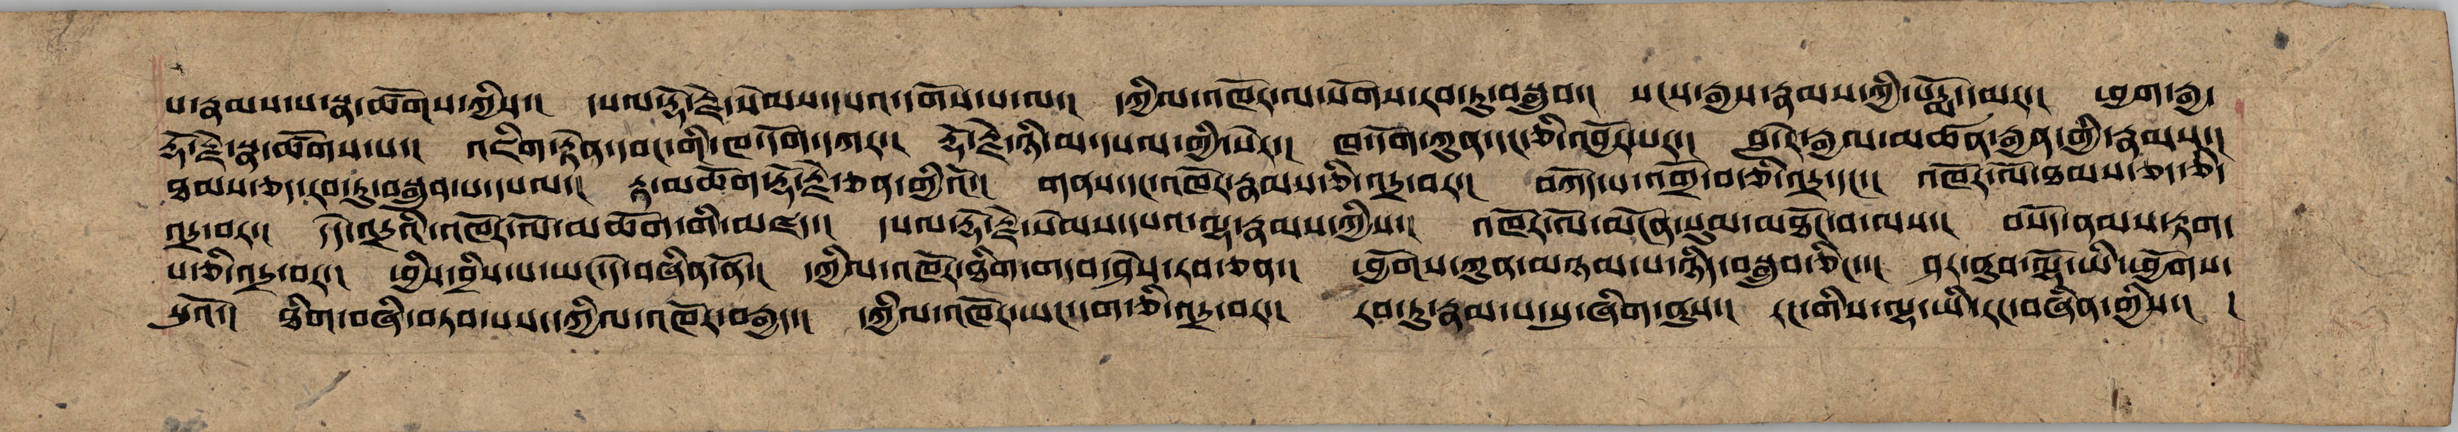པ་རྣམས་པ་སྣ་ཚོགས་ཀྱིས་། དཔལ་རྡོ་རྗེ་སེམས་དཔའ་དགོས་པ་ལ་། དཀྱིལ་འཁོར་ལ་སོགས་རབ་ཏུ་བསྒྲུབ་། སངས་རྒྱས་རྣམས་ཀྱི་པདྨོ་དམར་། ཕྱག་རྒྱ་
རྡོ་རྗེ་སྣ་ཚོགས་པ་། འཇིག་རྟེན་དབང་གི་ཁ་དོག་དཀར་། རྡོ་རྗེ་ཉི་མ་དཔལ་གྱི་སེར་། ཁ་དོག་ཀུན་དང་ཅི་འབྱོར་པར་། བླ་རེ་རྒྱལ་མཚན་རྒྱན་གྱི་རྣམས་།
ཐམས་ཅད་རབ་ཏུ་བསྒྲུབ་པ་དཔལ་། རྟ་མཆོག་རྡོ་རྗེ་ཅན་གྱིའོ་། གནས་དང་འཁོར་རྣམས་ཅི་འདྲ་བར་། བཀོད་པ་འགྲོ་བ་ཅི་འདྲ་དང་། འཁོར་ལོ་ཐམས་ཅད་ཅི་
འདྲ་བར་། དདེ་འདྲའི་འཁོར་ལོ་མཆོག་གི་མཛད་། དཔལ་རྡོ་རྗེ་སེམས་དཔའ་ལྷ་རྣམས་ཀྱིས་། འཁོར་ལོ་མངོན་སུམ་མཐོང་བ་ལས་། བསོད་ནམས་རྟག་
པ་ཅི་འདྲ་བར་། ཕྱིས་བྲིས་པ་ཡང་དེ་བཞིན་ནོ་། དཀྱིལ་འཁོར་ཐིག་གདབ་ཤེས་རབ་ཅན་། ཕྱོགས་ཀུན་མཉམ་པ་ཉིད་བསྒྲུབ་ཅིང་་། ཤར་ནུབ་ལྷོ་ཡི་ཕྱོགས་
སུའོ་། ཐིག་བཞི་བཏབ་པས་དཀྱིལ་འཁོར་བརྒྱད་། དཀྱིལ་འཁོར་ཡང་དག་ཅི་འདྲ་བར་། རབ་ཏུ་རྣམ་པ་སུ་ཞིག་ནུས་། རང་གིས་ལྷ་ཡི་རང་བཞིན་གྱིས་།